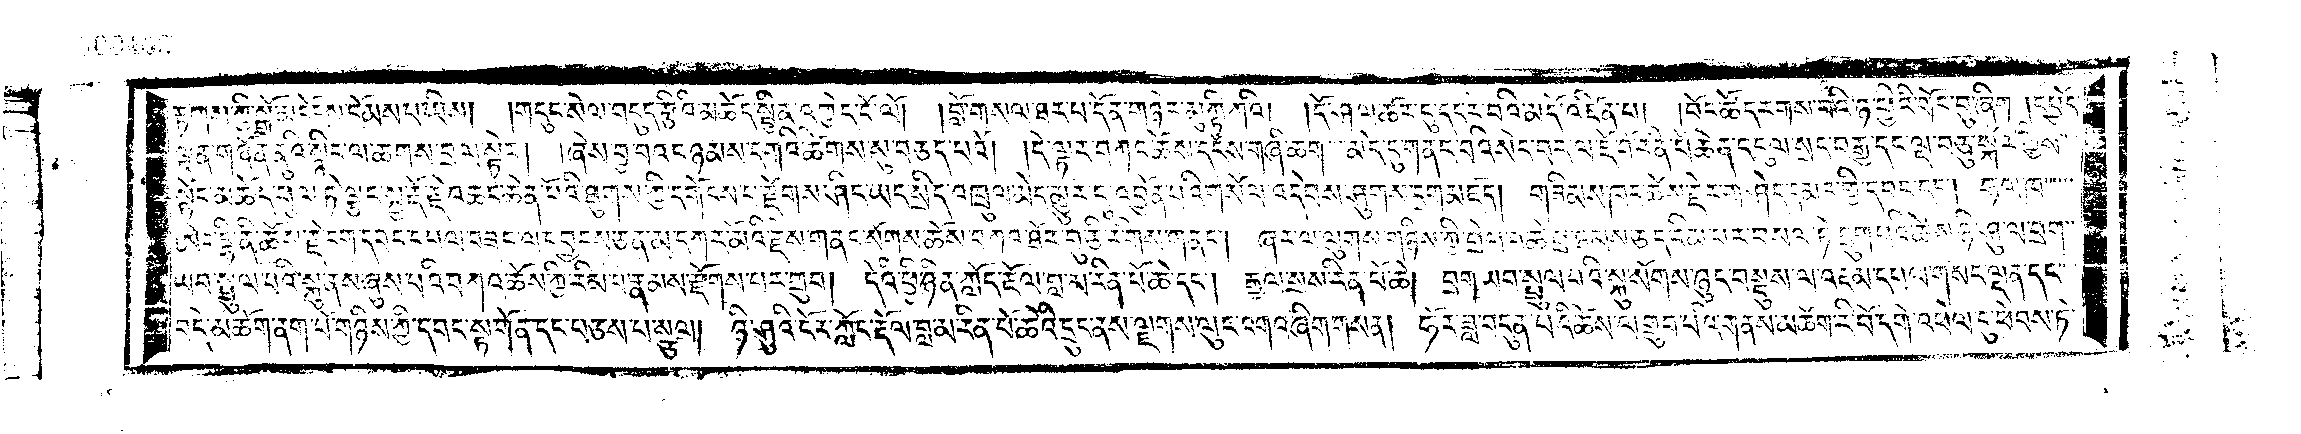རྟགས་ཀྱི་སྒྲོ་མདོངས་དོམས་པ་ཡིས། །གདུང་སེལ་བདུད་རྩིའི་མཆོད་སྦྱིན་འགྱེད་དོ་ལོ། །བློ་གསལ་ཐར་པ་དོན་གཉེར་མུཀྟི་ཀའི། །དོ་ཤལ་ཚར་དུ་དངར་བའི་མདོ་འཛིན་པ། །བོང་ཚོད་རགས་པའི་ཉ་ཕྱིའི་གོང་བུ་ཞིག །དཔྱོད་
ལྡན་གཞོན་ནུའི་སྙིང་ལ་ཆགས་བྲལ་སྟེར། །ཞེས་བྱ་བའང་ཉམས་དགའི་ཚིགས་སུ་བཅད་པའོ། །དེ་ལྟར་བཀའ་ཆོས་དངོས་གཞི་ཆག་མེད་དུ་གནང་བའི་སེང་བར་ལ་ཇོ་བོ་རིན་པོ་ཆེར་དངུལ་སྲང་བརྒྱ་དང་ལྔ་བཅུ་སྐོར་གྱིས་
སྟོང་མཆོད་ཕུལ་ཏེ་ལྕང་སྐྱ་རྡོ་རྗེ་འཆད་ཆེན་པོའི་ཐུགས་ཀྱི་དགོངས་པ་རྫོགས་ཤིང་ཡང་སྲིད་འཁྲུལ་མེད་མྱུར་དུ་འབྱོན་པའི་གསོལ་འདེབས་ཤུགས་དྲག་མཛད། གཟིམས་ཁང་ཆོས་རྗེར་གཤེད་དམར་གྱི་དབང་དང་། ཧལ་ཁ་
ཨེར་དྷི་ནི་ཆོས་རྗེ་ངག་དབང་དཔལ་བཟང་ལ་དབྱངས་ཅན་མ་དཀར་མོའི་རྗེས་གནང་སོགས་ཆོས་བཀའ་ཐོར་བུ་ཅི་རིགས་གནང་། ཞར་ལ་ལུགས་གཉིས་ཀྱི་བྲེལ་བ་ཆེ་ཕྲ་ཐམས་ཅད་རིམ་པར་བསལ་ཏེ་དྲུག་པའི་ཚེས་ཉི་ཤུ་ལ་བྲག་
ཡབ་སྤྲུལ་བའི་སྐུ་ནས་ཞུས་པའི་བཀའ་ཆོས་ཀྱི་རིམ་པ་རྣམས་རྫོགས་པར་གྲུབ། དེའི་ཕྱི་ཉིན་ཀློང་རྡོལ་བླ་མ་རིན་པོ་ཆེ་དང་། རྒྱལ་སྲས་རིན་པོ་ཆེ། བྲག་ཡབ་སྤྲུལ་པའི་སྐུ་སོགས་ཉུང་བསྡུས་ལ་འཇམ་དཔལ་གསང་ལྡན་དང་
བདེ་མཆོག་ནག་པོ་གཉིས་ཀྱི་དབང་སྟ་གོན་དང་བཅས་པ་སྩལ། ཉི་ཤུའི་ངོར་ཀློང་རྡོལ་བླ་མ་རིན་པོ་ཆེའི་དྲུང་ནས་ལྗགས་ལུང་འགའ་ཞིག་གསན། ཧོར་ཟླ་བདུན་པའི་ཚེས་ལ་གྲུབ་པའི་གནས་མཆོག་རི་བོ་དགེ་འཕེལ་དུ་ཕེབས་ཏེ་